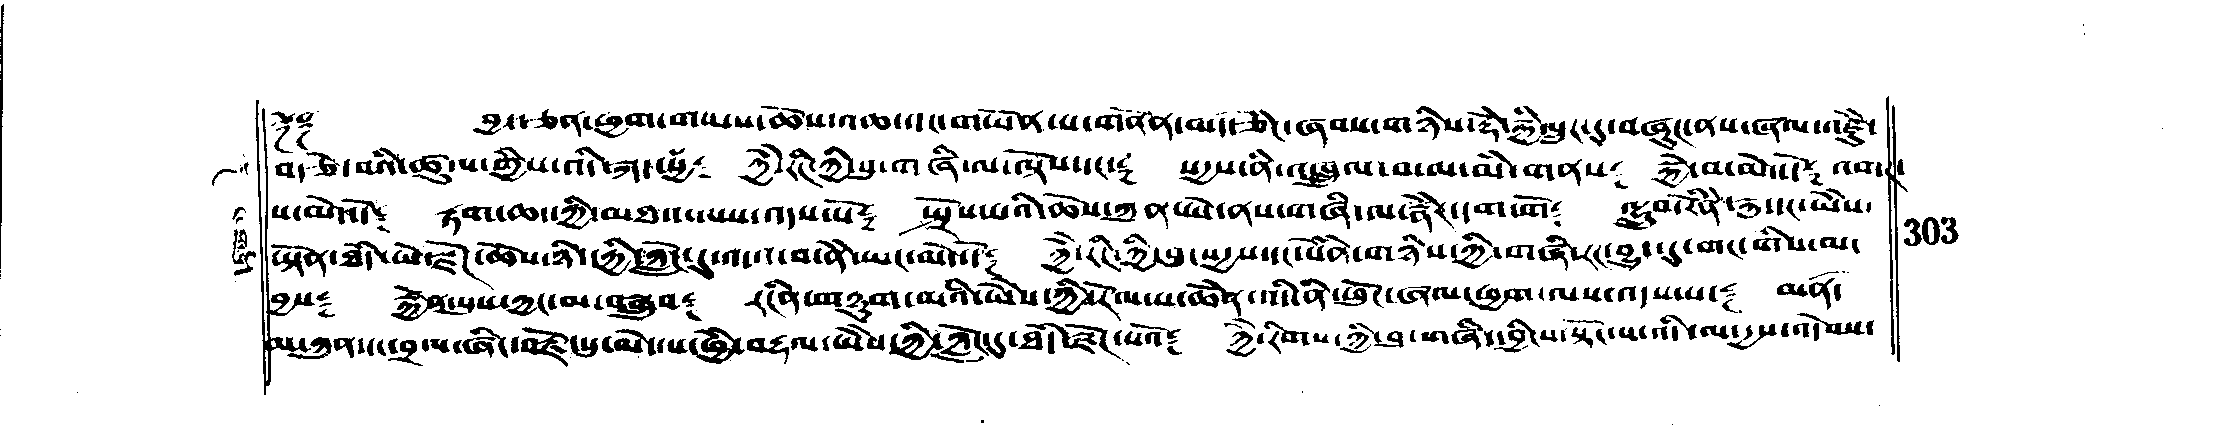བྱད་ཅན་ཕྱག་གཡས་ཆོས་འཆད་དང་གཡོན་ས་གནོན་མཛད་ཅིང་ཞབས་གཉིས་རྡོ་རྗེའི་སྐྱིལ་དཀྲུང་དུ་བཞུགས་ནས་ཞལ་འཛུམ་
བརྩེ་བའི་ཚུལ་གྱིས་འདི་སྐད་གསུང་། ཀྱཻ་རིགས་ཀྱི་བུ་གཞི་ལ་ལྟོས་དང་། སངས་རྒྱས་འཁྲུལ་པ་ལ་མི་གནས། སྐྱེ་བ་མེད་དོ། འགགས་
པ་མེད་དོ། རྟག་ཆད་ཀྱི་མཐའ་ལས་འདས་སོ། སྤྲོས་པའི་ཆོས་ཀུན་ཡེ་ནས་གཞི་ལ་རྣམ་པར་དག་གོ ལྷུན་གྲུབ་རིན་པོ་ཆེ་སྐུ་དང་ཡེ་ཤེས་
ཡོན་ཏན་ཐམས་ཅད་ཡེ་རྫོགས་ཆོས་ཉིད་ཀྱི་ཀློང་དུ་འདའ་བ་ནམ་ཡང་མེད་དོ། ཀྱཻ་རིགས་ཀྱི་བུ་སངས་རྒྱས་དང་སེམས་ཅན་གཉིས་ཀྱི་གཞི་རང་བྱུང་དུ་གང་གིས་མ་
བྱས། རྐྱེན་སུས་ཀྱང་མ་བསྒྲུབ། རང་བཞིན་གཉུག་མའི་ཡེ་ཤེས་ཀྱི་རོལ་པ་ཆེན་པོ་འདི་ནི་ཕུང་པོ་ཞལ་ཕྱག་ལས་འདས་པ། མཚན་
མ་ཀུན་དང་བྲལ་ཞིང་བརྗོད་དུ་མེད་པ་ཕྱམ་བརྡལ་ཡེ་ཤེས་ཀྱི་ཀློང་དུ་ཐམས་ཅད་རྫོགས་པའོ། ཀྱཻ་རིགས་ཀྱི་བུ་གཞི་དབྱིངས་སྟོང་པ་འདི་ལ་རྒྱས་འདེབས་